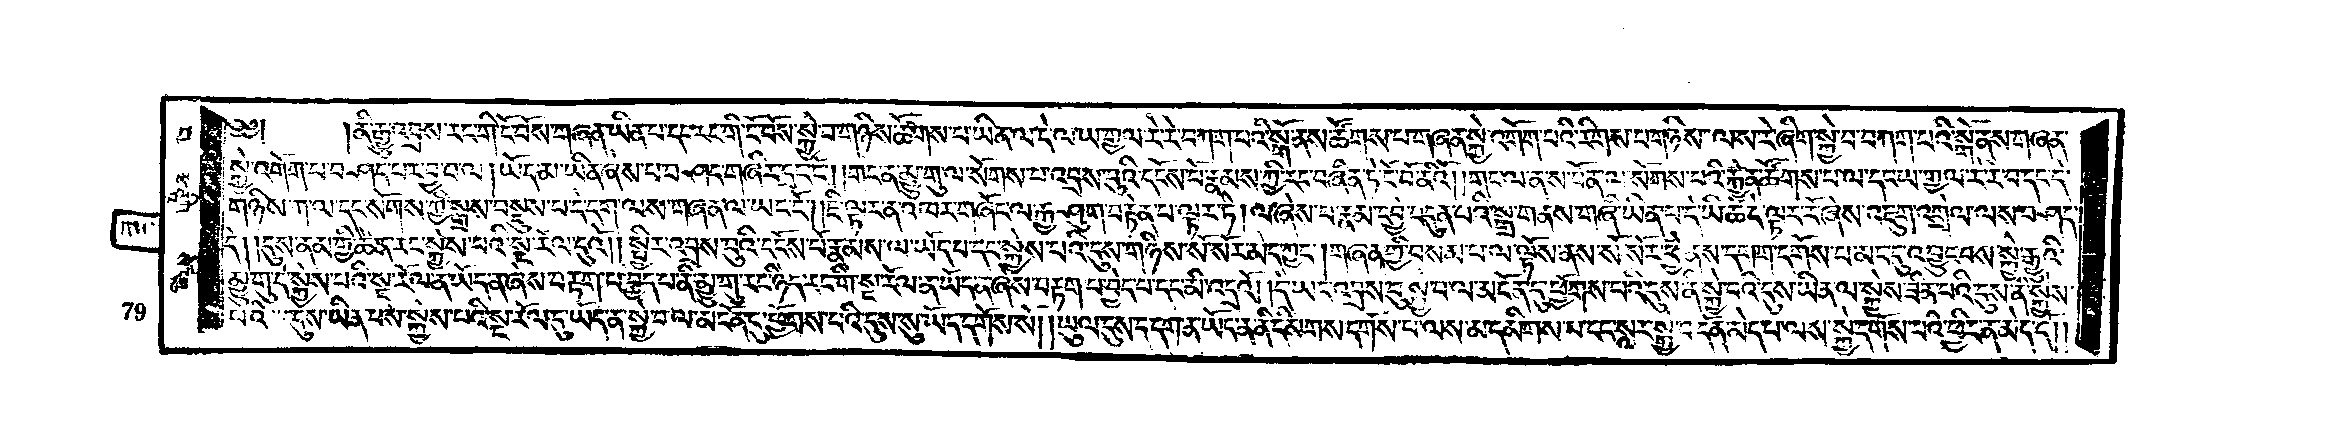༄༅། །ནི་རྒྱུ་འབྲས་རང་གི་ངོ་བོས་གཞན་ཡིན་པ་དང་རང་གི་ངོ་བོས་སྐྱེ་བ་གཉིས་ཚོགས་པ་ཡིན་ལ་དེ་ལ་ཡ་གྱལ་རེ་རེ་བཀག་པའི་སྒོ་ན་ཚོགས་པ་གཞན་སྐྱེ་འགོག་པའི་རིགས་པ་གཉིས་ལས་རེ་ཞིག་སྐྱེ་བ་བཀག་པའི་སྒོ་ནས་གཞན་
སྐྱེ་འགོག་པ་བཤད་པར་བྱ་བ་ལ། ཡོད་མ་ཡིན་ཞེས་པ་བཤད་གཞིར་དྲང་ངོ། །གང་ན་མྱུ་གུ་ལ་སོགས་པ་འབྲས་བུའི་དངོས་པོ་རྣམས་ཀྱི་རང་བཞིན་ཏེ་ངོ་བོ་ནིའོ། །གང་ལ་ན་ས་བོན་ལ་སོགས་པའི་རྐྱེན་ཚོགས་པ་ལ་དང་ཡ་གྱལ་རེ་རེ་བ་དང་དེ་
གཉིས་ཀ་ལ་དང་སོགས་ཀྱི་སྒྲས་བསྡུས་པ་དེ་དག་ལས་གཞན་ལ་ཡང་དེ། །ཇི་ལྟར་ན་འཁར་གཞོང་ལ་རྐྱ་ཤུག་བརྟེན་པ་ལྟར་ཏེ། ལ་ཞེས་པ་རྣམ་དབྱེ་བདུན་པའི་སྒྲ་གནས་གཞི་ཡིན་པ་དེ་ཡི་ཚེ་དེ་ལྟར་རོ་ཞེས་འཇུག་འགྲེལ་ལས་བཤད་
དེ། །དུས་ནམ་གྱི་ཚེ་ན་རང་སྐྱེས་པའི་སྔ་རོལ་དུའོ། །སྤྱིར་འབྲས་བུའི་དངོས་པོ་རྣམས་ལ་ཡོད་པ་དང་སྐྱེས་པའི་དུས་གཉིས་སོ་སོར་མེད་ཀྱང་། གཞན་གྱི་བསམ་པ་ལ་ལྟོས་ནས་སོ་སོར་ཕྱེ་ནས་དགག་དགོས་པ་མང་དུ་འབྱུང་བས་སྐྱེ་རྒྱུའི་
མྱུ་གུ་དེ་སྐྱེས་པའི་སྔ་རོལ་ན་ཡོད་ན་ཞེས་བརྟག་པ་བྱེད་པ་ནི་མྱུ་གུ་རང་ཉིད་རང་གི་སྔ་རོལ་ན་ཡོད་ན་ཞེས་བརྟག་པ་བྱེད་པ་དང་མི་འདྲའོ། །དེ་ཡང་འབྲས་བུ་སྐྱེ་བ་ལ་མངོན་དུ་ཕྱོགས་པའི་དུས་ནི་སྐྱེ་བའི་དུས་ཡིན་ལ་སྐྱེས་ཟིན་པའི་དུས་ནི་སྐྱེས་
པའི་དུས་ཡིན་པས་སྐྱེས་པའི་སྔ་རོལ་དུ་ཡོད་ན་སྐྱེ་བ་ལ་མངོན་དུ་ཕྱོགས་པའི་དུས་སུ་ཡོད་དགོས་སོ། །ཡུལ་དུས་དེ་དག་ན་ཡོད་ན་ནི་དམིགས་དགོས་པ་ལས་མ་དམིགས་པ་དང་སླར་སྐྱེ་བ་དོན་མེད་པ་ལས་སྐྱེ་དགོས་པའི་ཕྱིར་ན་མེད་དོ།།